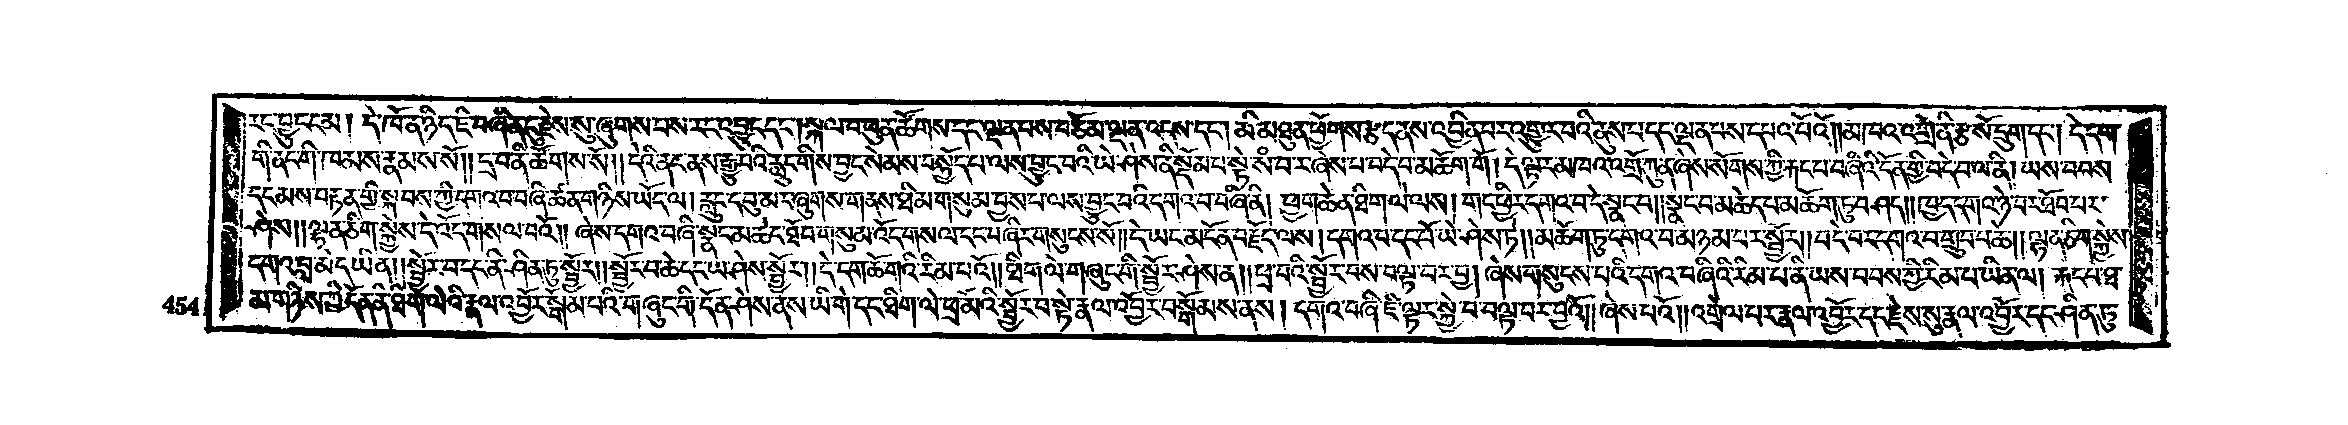རང་བྱུང་ངམ། དེ་ཁོ་ན་ཉིད་ཇི་བཞིན་དུ་རྗེས་སུ་ཞུགས་པས་རང་འབྱུང་དང་། སྐལ་བ་ཕུན་ཚོགས་དང་ལྡན་པས་བཅོམ་ལྡན་འདས་དང་། མི་མཐུན་ཕྱོགས་རྩད་ནས་འབྱིན་པར་འགྱུར་བའི་ནུས་པ་དང་ལྡན་པས་དཔའ་བོའོ། །མཁའ་འགྲོ་ནི་རྩ་སོ་དྲུག་དང་། དེ་དག་
གི་ནང་གི་ཁམས་རྣམས་སོ། །དྲ་བ་ནི་ཚོགས་སོ། །དེའི་ནང་ནས་རྒྱུ་བའི་རླུང་གིས་བྱང་སེམས་བསྐྱོད་པ་ལས་བྱུང་བའི་ཡེ་ཤེས་ནི་སྡོམ་པ་སྟེ་སཾ་བ་ར་ཞེས་པ་བདེ་བ་མཆོག་གོ །དེ་ལྟར་མཁའ་འགྲོ་ཀུན་ཞེས་སོགས་ཀྱི་རྐང་པ་བཞིའི་དོན་གྱི་བདེ་བ་ལ་ནི། ཡས་བབས་
དང་མས་བརྟན་གྱི་སྐབས་ཀྱི་དགའ་བ་བཞི་ཚན་གཉིས་ཡོད་ལ། རླུང་དབུ་མར་ཞུགས་གནས་ཐིམ་གསུམ་བྱས་པ་ལས་བྱུང་བའི་དགའ་བ་བཞི་ནི། ཕྱག་ཆེན་ཐིག་ལེ་ལས། གང་ཕྱིར་དགའ་བ་དེ་སྣང་བ། །སྣང་བ་མཆེད་པ་མཆོག་ཏུ་བཤད། །ཁྱད་དགའ་ཉེ་བར་ཐོབ་པར་
ཤེས། །ལྷན་ཅིག་སྐྱེས་དེ་འོད་གསལ་བའོ། །ཞེས་དགའ་བཞི་སྣང་མཆེད་ཐོབ་གསུམ་འོད་གསལ་དང་བཞིར་གསུངས་སོ། །དེ་ཡང་མངོན་བརྗོད་ལས། དགའ་བ་དང་པོ་ཡེ་ཤེས་ཏེ། །མཆོག་ཏུ་དགའ་བ་མཉམ་པར་སྦྱོར། །བདེ་བར་དགའ་བ་གྲུབ་པ་ཆེ། །ལྷན་ཅིག་སྐྱེས་
དགའ་བླ་མེད་ཡིན། །སྦྱོར་བ་དང་ནི་ཤིན་ཏུ་སྦྱོར། །སྦྱོར་བ་ཆེ་དང་ཡེ་ཤེས་སྦྱོར། །དེ་དག་ཆོ་གའི་རིམ་པའོ། །ཐིག་ལེ་གཞུང་གི་སྦྱོར་ཤེས་ན། །ཕྲ་བའི་སྦྱོར་བས་བལྟ་བར་བྱ། ཞེས་གསུངས་པའི་དགའ་བཞིའི་རིམ་པ་ནི་ཡས་བབས་ཀྱི་རིམ་པ་ཡིན་ལ། རྐང་པ་ཐ་
མ་གཉིས་ཀྱི་དོན་ནི་ཐིག་ལེའི་རྣལ་འབྱོར་སྒོམ་པའི་གཞུང་གི་དོན་ཤེས་ནས་ཡི་གེ་དང་ཐིག་ལེ་ཕྲ་མོའི་སྦྱོར་བ་སྟེ་རྣལ་འབྱོར་བསྒོམས་ནས། དགའ་བཞི་ཇི་ལྟར་སྐྱེ་བ་བལྟ་བར་བྱའོ། །ཞེས་པའོ། །འགྲེལ་པར་རྣལ་འབྱོར་དང་རྗེས་སུ་རྣལ་འབྱོར་དང་ཤིན་ཏུ་